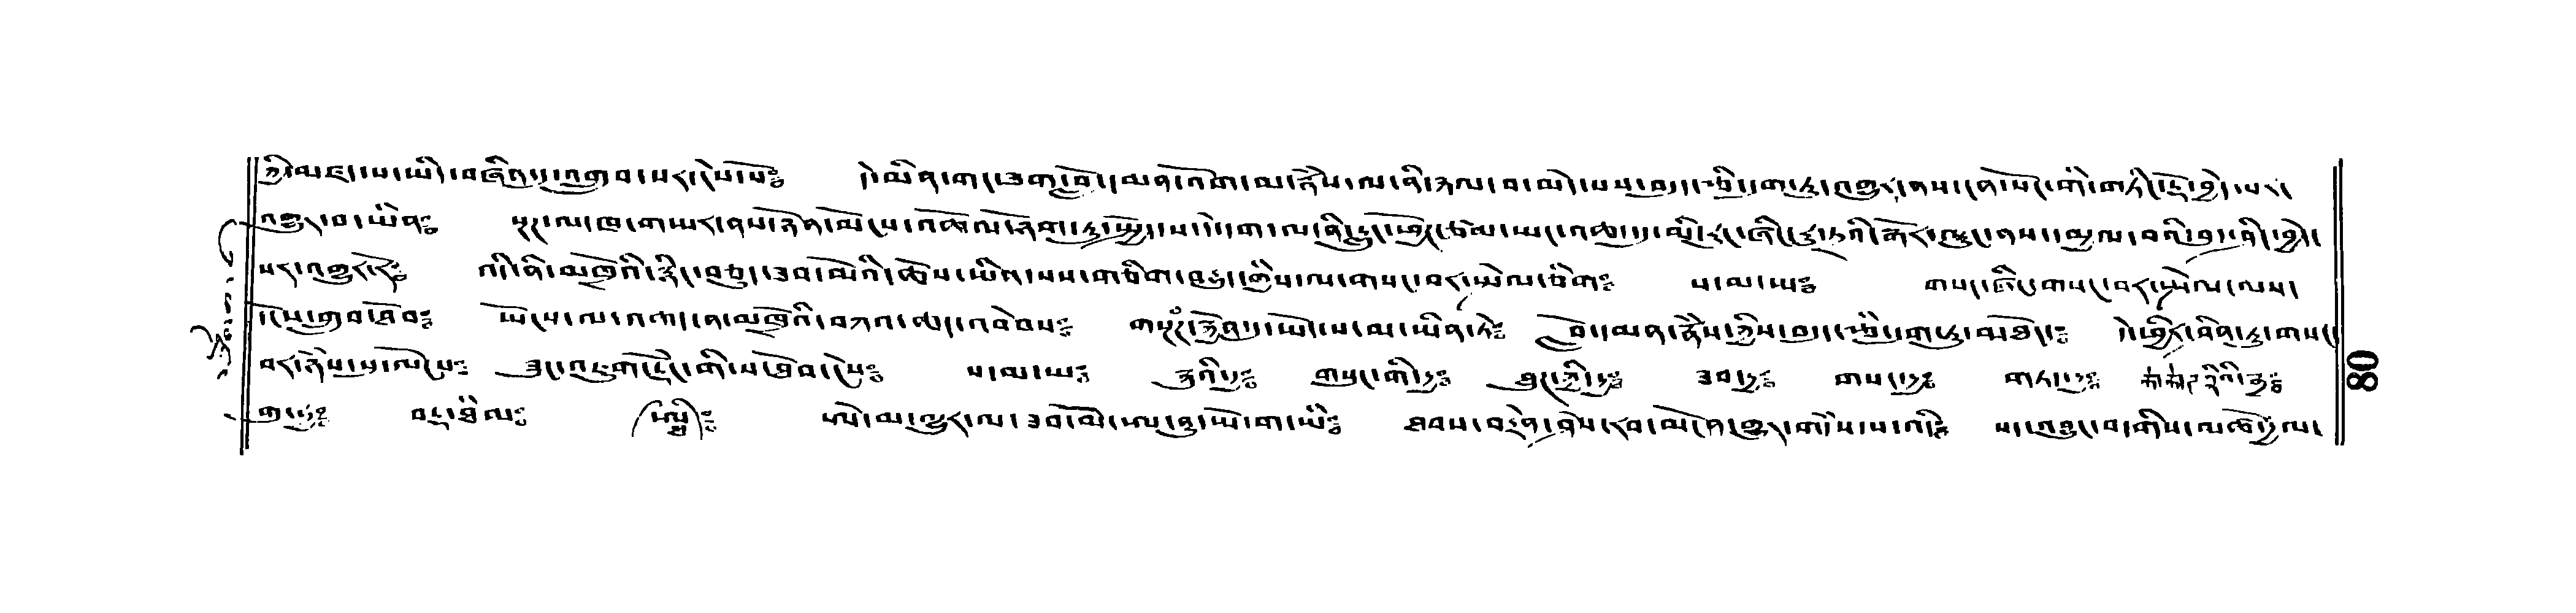ཀྱི་མཛད་པ་ཡིད་བཞིན་དུ་འགྲུབ་པར་ངེས་སོ༔ དེ་མིན་གང་ཟག་བློ་དམན་འོག་མ་རྣམས་ལ་ནི་སྐལ་བ་མེད་པས་བདུད་རྩི་དུག་ཏུ་འགྱུར་ནས་ངན་སོང་གི་གཏིང་རྡོ་བྱེད་པར་
འགྱུར་བ་ཡིན༔ སྔགས་ལ་ཁ་གཡར་ནས་ཉོན་མོངས་འཆོལ་ཉོག་ཏུ་སྤྱོད་པ་དེ་དག་ལ་ནི་རླུང་ཕྱོགས་ཙམ་ཡང་འཆད་དུ་མི་རུང་ཞིང་རུ་ཏྲའི་སྒོར་ལྟུང་ནས་དམྱལ་བའི་བུད་ཤིང་བྱེད་
པར་འགྱུར་རོ༔འདི་ནི་མཁའ་འགྲོའི་སྙིང་བཅུད་ཟབ་མོའི་ཆོས་ཡིན་པས་གཅིག་བརྒྱུད་གྱིས་ལ་གསང་བར་སྤེལ་ཅིག༔ ས་མ་ཡ༔ གསང་ཞིང་གསང་བར་སྤེལ་ལས་
དངོས་གྲུབ་ཐོབ༔ ཡོངས་ལ་འཆད་ན་མཁའ་འགྲོའི་བཀའ་ཆད་འབེབས༔ གསང་སྔགས་སྐྱོན་དུ་ཡོད་པ་མ་ཡིན་ཏེ༔ བློ་དམན་རྣམས་ཀྱིས་བདུད་རྩི་དུག་ཏུ་མཐོང༔ དེ་ཕྱིར་ཤིན་ཏུ་གསང་
བར་ཉམས་སུ་ལོངས༔ ཟུང་འཇུག་རྡོ་རྗེ་འཆང་གི་ས་ཐོབ་ངེས༔ ས་མ་ཡ༔ སྐུའི་རྒྱ༔ གསུང་གི་རྒྱ༔ ཐུགས་ཀྱི་རྒྱ༔ ཟབ་རྒྱ༔ གསང་རྒྱ༔ གཏད་རྒྱ༔ ཌཱཀྐིའི་རྒྱ༔ 
གུ་ཧྱ༔ བརྡ་ཐིམ༔ ༔ ཨེ་མ་མྱུར་ལ་ཟབ་མོ་ཨ་ནུ་ཡོ་ག་ཡི༔ ཐབས་བསྟེན་ཤེས་རབ་མངོན་གྱུར་གདམས་པ་འདི༔ པད་འབྱུང་བདག་གིས་མཚོ་རྒྱལ་